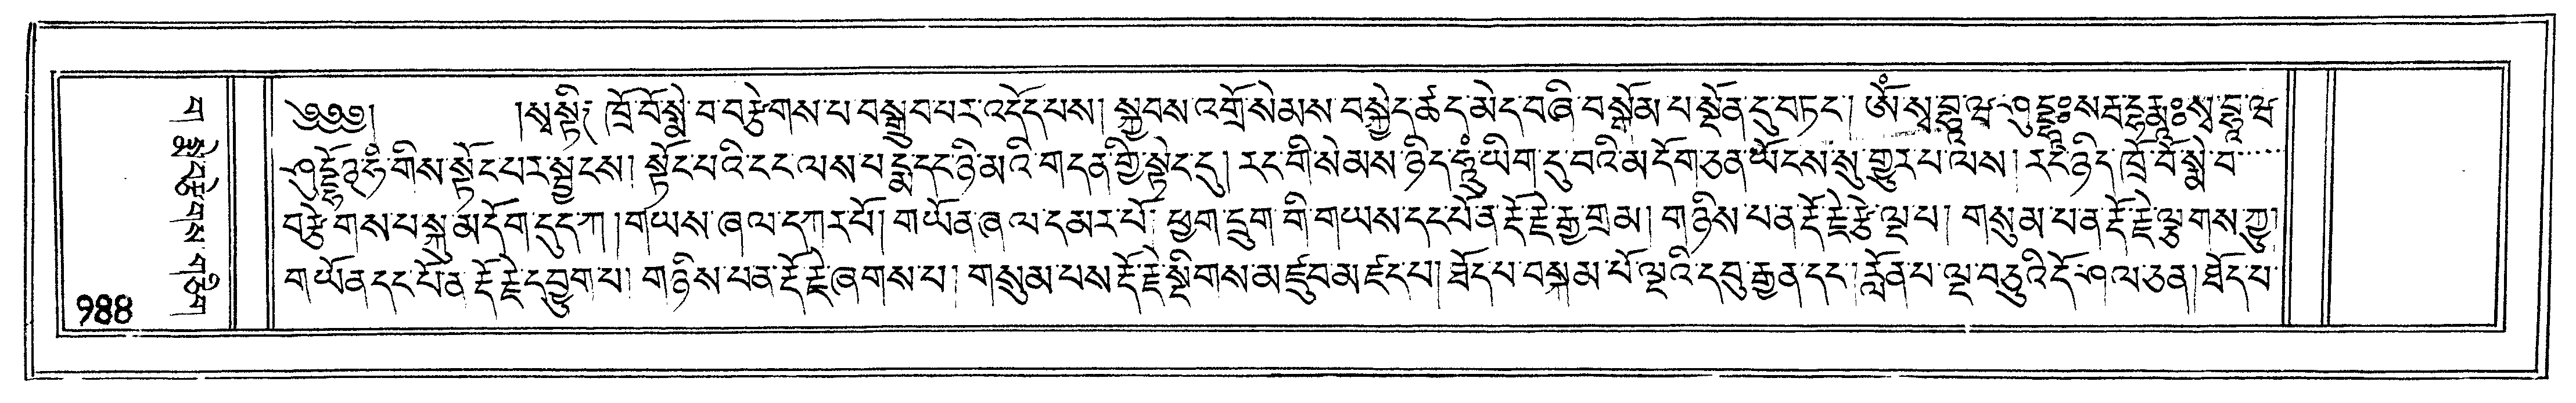༄༅༅། །སྭ་སྟི༑ ཁྲོ་བོ་སྨེ་བ་བརྩེགས་པ་བསྒྲུབ་པར་འདོད་པས། སྐྱབས་འགྲོ་སེམས་བསྐྱེད་ཚད་མེད་བཞི་བསྒོམ་པ་སྔོན་དུ་བཏང་། ཨོཾ་སྭ་བྷཱ་ཝ་ཤུདྡྷཱཿ སརྦ་དྷརྨཱཿ སྭ་བྷཱ་ཝ་
ཤུདྡྷོ་ཉ་ཧཾ་གིས་སྟོང་པར་སྦྱངས། སྟོང་པའི་ངང་ལས་པདམ་དང་ཉི་མའི་གདན་གྱི་སྟེང་དུ། རང་གི་སེམས་ཉིད་ཧཱུཾ་ཡིག་དུ་བའི་མདོག་ཅན་ཡོངས་སུ་གྱུར་པ་ལས། རང་ཉིད་ཁྲོ་བོ་སྨེ་བ་
བརྩེགས་པ་སྐུ་མདོག་དུད་ཀ། གཡས་ཞལ་དཀར་པོ། གཡོན་ཞལ་དམར་པོ། ཕྱག་དྲུག་གི་གཡས་དང་པོ་ན་རྡོ་རྗེ་རྒྱ་གྲམ། གཉིས་པ་ན་རྡོ་རྗེ་རྩེ་ལྔ་པ། གསུམ་པ་ན་རྡོ་རྗེ་ལྕགས་ཀྱུ།
གཡོན་དང་པོ་ན་རྡོ་རྗེ་དབྱུག་པ། གཉིས་པ་ན་རྡོ་རྗེ་ཞགས་པ། གསུམ་པས་རྡོ་རྗེ་སྡིགས་མཛུབ་མཛད་པ། ཐོད་པ་བསྐམ་པོ་ལྔའི་དབུ་རྒྱན་དང་། རློན་པ་ལྔ་བཅུའི་དོ་ཤལ་ཅན། ཐོད་པ་